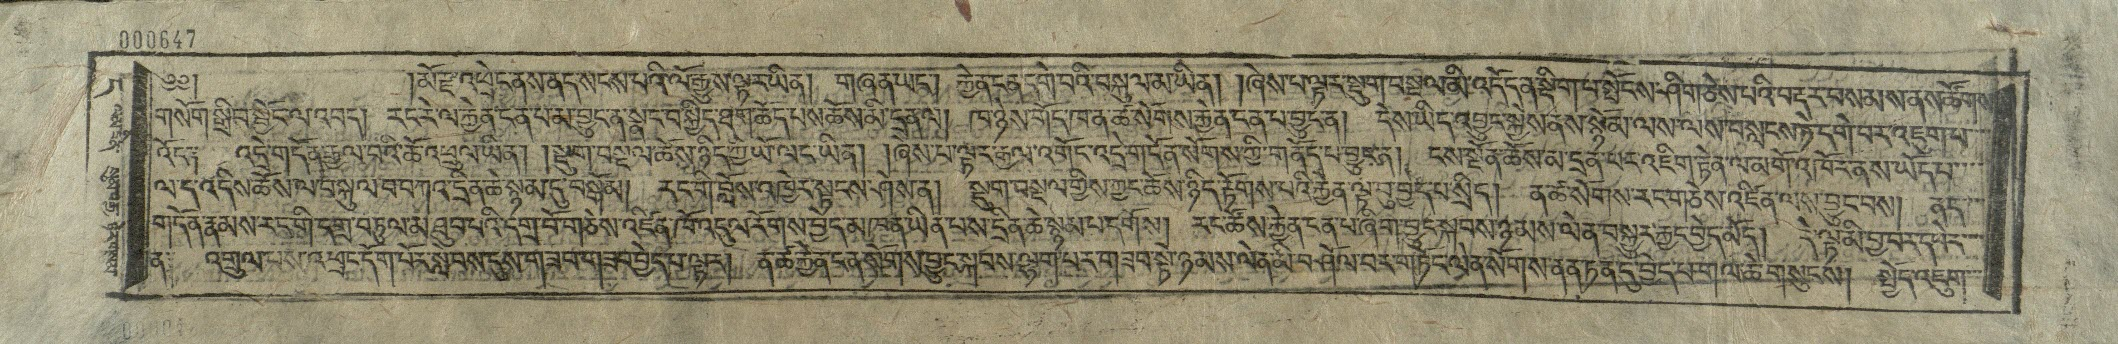༄༅། །མོ་རྫ་འཕྲེང་ནས་ནད་སངས་པའི་ལོ་རྒྱུས་ལྟར་ཡིན། གཞན་ཡང་། རྐྱེན་ངན་དགེ་བའི་བསྐུལ་མ་ཡིན། །ཞེས་པ་ལྟར་སྡུག་བསྔལ་མི་འདོད་ན་སྡིག་པ་སྤོངས་ཤིག་ཅེས་པའི་བརྡར་བསམས་ནས་ཚོགས་
གསོག་སྒྲིབ་སྦྱོང་ལ་འབད། རང་རེ་ལ་རྐྱེན་ངན་པ་མ་བྱུང་ན་སྣང་བ་སྐྱིད་ཐག་ཆོད་པས་ཆོས་མི་དྲན་ལ། ཁ་ཉེས་གོད་ཁ་ན་ཚ་སོགས་རྐྱེན་ངན་པ་བྱུང་ན། དེས་ཡིད་འབྱུང་སྐྱེས་ནས་སྙོམ་ལས་ལས་བསླངས་ཏེ་དགེ་བར་འཇུག་པ་
འོང༑ འདྲེ་གདོན་རྒྱལ་བའི་ཆོ་འཕྲུལ་ཡིན། །སྡུག་བསྔལ་ཆོས་ཉིད་ཀྱི་ཡོ་ལང་ཡིན། །ཞེས་པ་ལྟར་རྒྱལ་འགོང་འདྲེ་གདོན་སོགས་ཀྱི་གནོད་པ་བྱུང་ན། ངས་སྔོན་ཆོས་མ་དྲན་པར་འཇིག་རྟེན་ལ་མགོ་འཁོར་ནས་ཡོད་པ་
ལ་ད་འདིས་ཆོས་ལ་བསྐུལ་བ་བཀའ་དྲིན་ཆེ་སྙམ་དུ་བསྒོམ། རང་གི་བློས་འཁྱེར་སྟངས་ཤེས་ན། སྡུག་བསྔལ་གྱིས་ཀྱང་ཆོས་ཉིད་རྟོགས་པའི་རྐྱེན་ལྟ་བུ་བྱེད་པ་སྲིད། ན་ཚ་སོགས་རང་གཅེས་འཛིན་ལས་བྱུང་བས། ནད་
གདོན་རྣམས་རང་གི་དགྲ་བཏུལ་མ་ཐུབ་པའི་དགྲ་བོ་གཅེས་འཛིན་ཁོ་འདུལ་རོགས་བྱེད་མཁན་ཡིན་པས་དྲིན་ཆེ་སྙམ་པ་དགོས། རང་ཚོས་རྐྱེན་ངན་པ་ཞིག་བྱུང་སྐབས་ཉམས་ལེན་བསྐྱུར་རྐྱང་བྱེད་མོད། དེ་ལྟ་མི་བྱ་བར་དཔེར་
ན༑ འགྲུལ་པས་འཕྲང་དོག་པོར་སླེབས་དུས་གཟབ་གཟབ་བྱེད་པ་ལྟར། ན་ཚ་རྐྱེན་ངན་སོགས་བྱུང་སྐབས་ལྷག་པར་གཟབ་སྟེ་ཉམས་ལེན་མི་བཤོལ་བར་གཏོང་ལེན་སོགས་ནན་ཏན་དུ་བྱེད་པ་གལ་ཆེ་གསུངས། སྤྱོད་འཇུག་